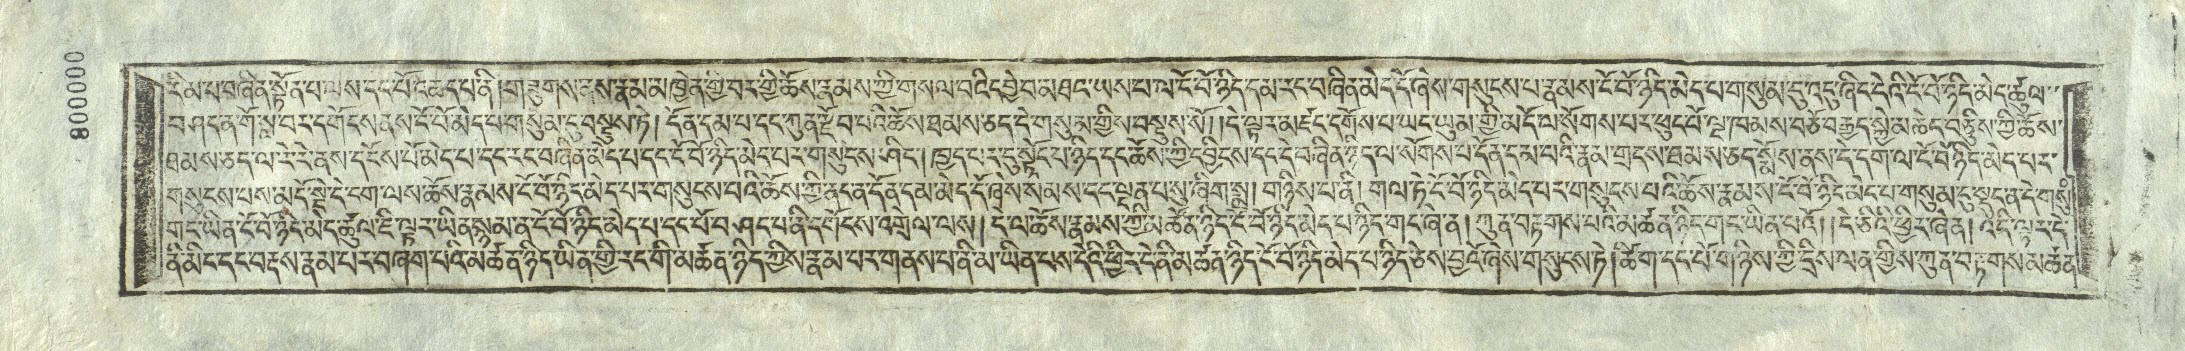རིམ་པ་བཞིན་སྟོན་པ་ལས་དང་པོ་འཆད་པ་ནི། གཟུགས་ནས་རྣམ་མཁྱེན་གྱི་བར་གྱི་ཆོས་རྣམས་ཀྱི་གསལ་བའི་དབྱེ་བ་མཐའ་ཡས་པ་ལ་ངོ་བོ་ཉིད་དམ་རང་བཞིན་མེད་དོ་ཞེས་གསུངས་པ་རྣམས་ངོ་བོ་ཉིད་མེད་པ་གསུམ་དུ་འདུ་ཞིང་དེའི་ངོ་བོ་ཉིད་མེད་ཚུལ་
བཤད་ན་གོ་སླ་བར་དགོངས་ནས་ངོ་བོ་མེད་པ་གསུམ་དུ་བསྡུས་ཏེ། དོན་དམ་པ་དང་ཀུན་རྫོབ་པའི་ཆོས་ཐམས་ཅད་དེ་གསུམ་གྱིས་བསྡུས་སོ། །དེ་ལྟར་མཛད་དགོས་པ་ཡང་ཡུམ་གྱི་མདོ་ལ་སོགས་པར་ཕུང་པོ་ལྔ་ཁམས་བཅོ་བརྒྱད་སྐྱེ་མཆེད་བཅུཨིས་?་ཀྱི་ཆོས་
ཐམས་ཅད་ལ་རེ་རེ་ནས་དངོས་པོ་མེད་པ་དང་རང་བཞིན་མེད་པ་དང་ངོ་བོ་ཉིད་མེད་པར་གསུངས་ཤིང་། ཁྱད་པར་དུ་སྟོང་པ་ཉིད་དང་ཆོས་ཀྱི་དབྱིངས་དང་དེ་བཞིན་ཉིད་ལ་སོགས་པ་དོན་དམ་པའི་རྣམ་གྲངས་ཐམས་ཅད་སྨོས་ནས་དེ་དག་ལ་ངོ་བོ་ཉིད་མེད་པར་
གསུངས་པས་མདོ་སྡེ་དེ་དག་ལས་ཆོས་རྣམས་ངོ་བོ་ཉིད་མེད་པར་གསུངས་པའི་ཆོས་ཀྱི་ནང་ན་དོན་དམ་མེད་དོ་ཞེས་སེམས་དང་ལྡན་པ་སུ་ཞིག་སྨྲ། གཉིས་པ་ནི། གལ་ཏེ་ངོ་བོ་ཉིད་མེད་པར་གསུངས་པའི་ཆོས་རྣམས་ངོ་བོ་ཉིད་མེད་པ་གསུམ་དུ་སྡུད་ན་དེ་གསུམ་
གང་ཡིན་ངོ་བོ་ཉིད་མེད་ཚུལ་ཇི་ལྟར་ཡིན་སྙམ་ན་ངོ་བོ་ཉིད་མེད་པ་དང་པོ་བཤད་པ་ནི་དགོངས་འགྲེལ་ལས། དེ་ལ་ཆོས་རྣམས་ཀྱི་མཚན་ཉིད་ངོ་བོ་ཉིད་མེད་པ་ཉིད་གང་ཞེ་ན། ཀུན་བརྟགས་པའི་མཚན་ཉིད་གང་ཡིན་པའོ། །དེ་ཅིའི་ཕྱིར་ཞེ་ན། འདི་ལྟར་དེ་
ནི་མིང་དང་བརྡས་རྣམ་པར་བཞག་པའི་མཚན་ཉིད་ཡིན་གྱི་རང་གི་མཚན་ཉིད་ཀྱིས་རྣམ་པར་གནས་པ་ནི་མ་ཡིན་པས་དེའི་ཕྱིར་དེ་ནི་མཚན་ཉིད་ངོ་བོ་ཉིད་མེད་པ་ཉིད་ཅེས་བྱའོ་ཞེས་གསུངས་ཏེ། ཚིག་དང་པོ་གཉིས་ཀྱི་དྲིས་ལན་གྱིས་ཀུན་བརྟགས་མཚན་